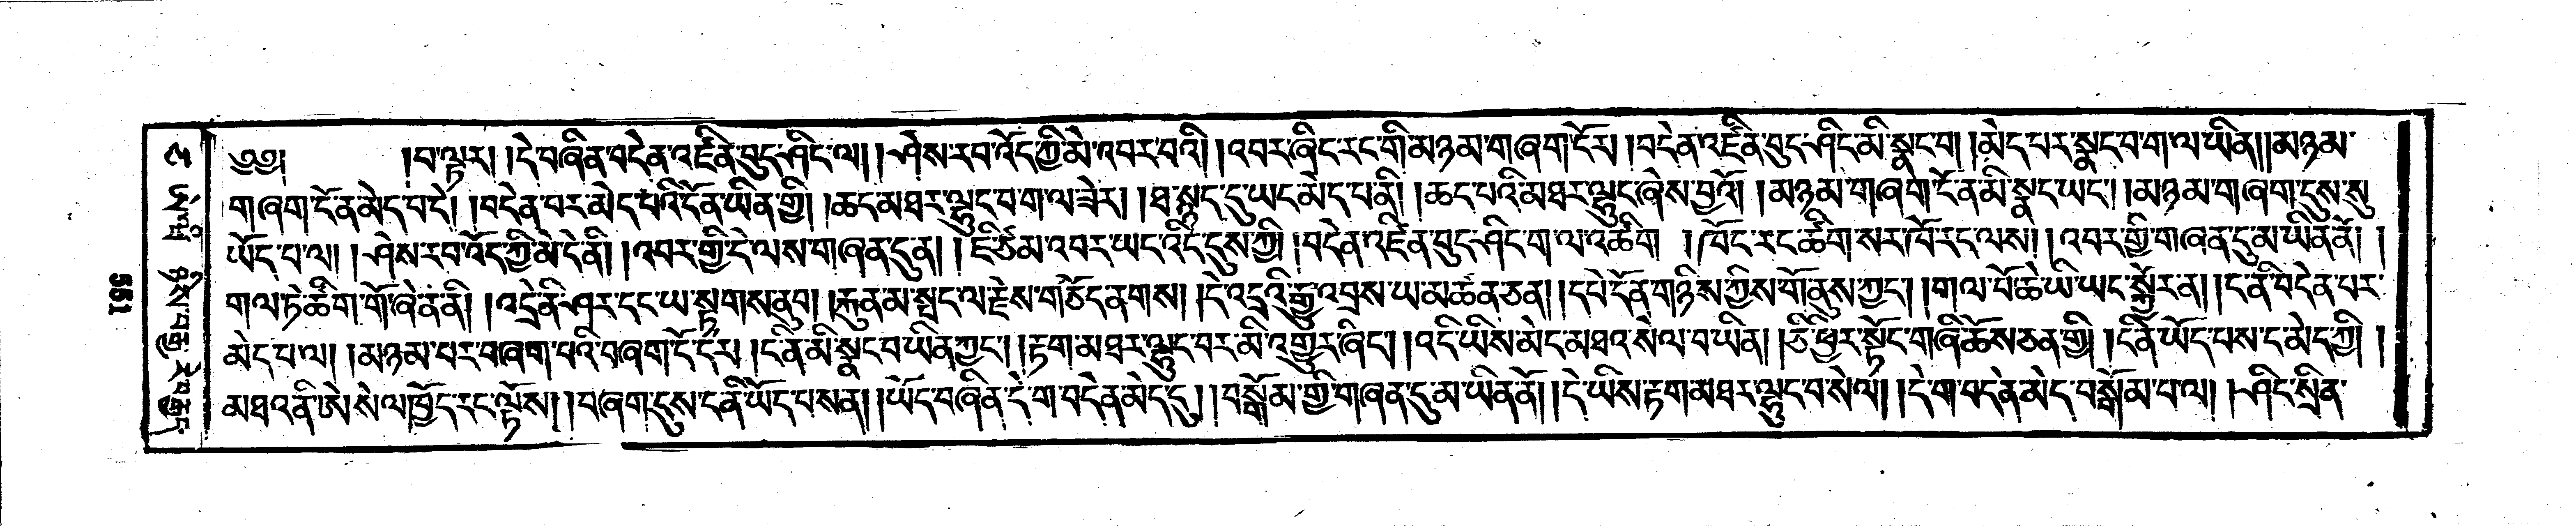༄༅། །པ་ལྟར། །དེ་བཞིན་བདེན་འཛིན་བུད་ཤིང་ལ། །ཤེས་རབ་འོད་ཀྱི་མེ་འབར་བའི། །འབར་ཞིང་རང་གི་མཉམ་གཞག་ངོར། །བདེན་འཛིན་བུད་ཤིང་མི་སྣང་བ། །མེད་པར་སྣང་བ་ག་ལ་ཡིན། །མཉམ་
གཞག་ངོ་ན་མེད་པ་དེ། །བདེན་པར་མེད་པའི་དོན་ཡིན་གྱི། །ཆད་མཐར་ལྷུང་བ་ག་ལ་ཟེར། །ཐ་སྙད་དུ་ཡང་མེད་པ་ནི། །ཆད་པའི་མཐར་ལྷུང་ཞེས་བྱའོ། །མཉམ་གཞག་ངོ་ན་མི་སྣང་ཡང་། །མཉམ་གཞག་དུས་སུ་
ཡོད་པ་ལ། །ཤེས་རབ་འོད་ཀྱི་མེ་དེ་ནི། །འབར་གྱི་དེ་ལས་གཞན་དུ་ན། །ཇི་ཙ་འབར་ཡང་འདི་དུས་ཀྱི། །བདེན་འཛིན་བུད་ཤིག་ག་ལ་འཚིག །ཁོང་རང་ཚིག་སར་ཁོ་རང་ལས། །འབར་གྱི་གཞན་དུ་མ་ཡིན་ནོ།།
གལ་ཏེ་ཚིག་གོ་ཞེ་ན་ནི། །འདྲེ་ནི་ཤར་དང་ཡ་སྟགས་ནུབ། །རྐུན་མ་སྤང་ལ་རྗེས་གཅོད་ནགས། །དེ་འདྲའི་རྒྱུ་འབྲས་ཡ་མཚན་ཅན། དཔེ་དོན་གཉིས་ཀྱིས་གོ་ནུས་ཀྱང་། །གལ་པོ་ཆེ་ཡི་ཡང་སྐྱོར་ན། །ང་ནི་བདེན་པར་
མེད་པ་ལ། །མཉམ་པར་བཞག་པའི་བཞག་ངོ་དེར། །ང་ནི་མི་སྣང་བ་ཡིན་ཀྱང་། །རྟག་མཐར་ལྷུང་བར་མི་འགྱུར་ཞིང་། །འདི་ཡིས་མེད་མཐའ་སེལ་བ་ཡིན། །ཅི་ཕྱིར་སྟོང་གཞི་ཆོས་ཅན་གྱི། །ང་ནི་ཡོད་པས་ང་མེད་ཀྱི།།
མཐའ་ནི་ཨེ་སེལ་ཁྱོད་རང་ལྟོས། །བཞག་དུས་ང་ནི་ཡོད་པས་ན། །ཡོད་བཞིན་དེ་ག་བདེན་མེད་དུ། །བསྒོམ་གྱི་གཞན་དུ་མ་ཡིན་ནོ། །དེ་ཡིས་རྟག་མཐར་ལྷུང་བ་སེལ། དེ་ག་བདེན་མེད་བསྒོམ་པ་ལ། །ཤིང་སྲིན་